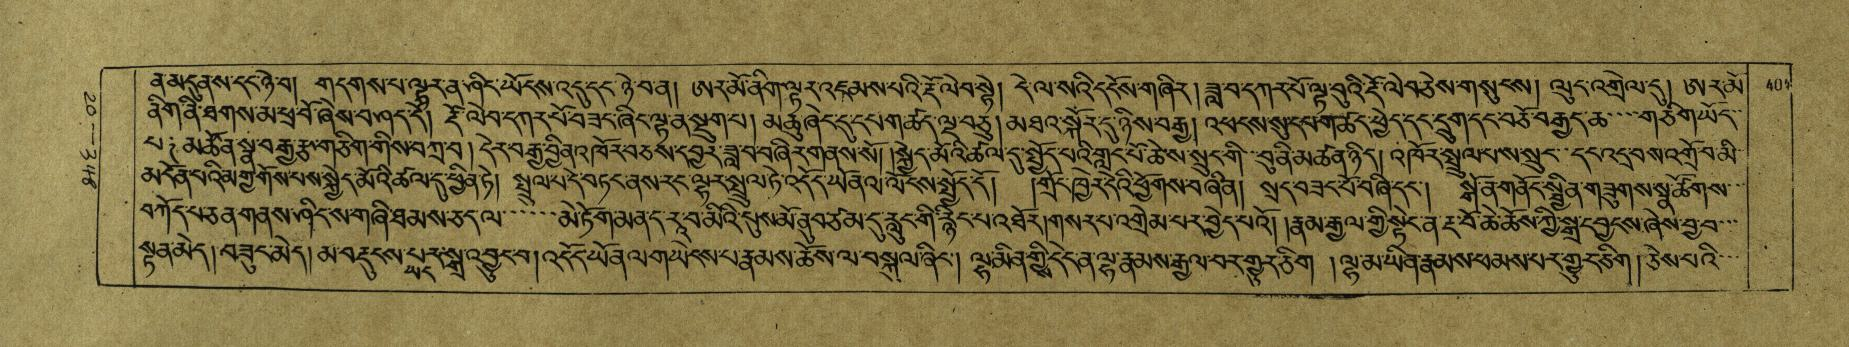ན་མདུན་ས་དང་ཉེ་བ། གདགས་པ་ལྟར་ན་ཤིང་ཡོངས་འདུ་དང་ཉེ་བ་ན། ཨར་མོ་ནིག་ལྟར་འཇམས་པའི་རྡོ་ལེབ་སྟེ། དེ་ལ་སའི་དངོས་གཞིར། ཟླ་བ་དཀར་པོ་ལྟ་བུའི་རྡོ་ལེབ་ཅེས་གསུངས། ལུང་འགྲེལ་དུ། ཨར་མོ་
ནིག་ནི་ཐགས་མ་ཕྲ་བོ་ཞེས་བཤད་དེ། རྡོ་ལེབ་དཀར་པོ་བཟང་ཞིང་ལྟ་ན་སྡུག་པ། མཆུ་ཞེང་དུ་དཔག་ཚད་ལྔ་བཅུ། མཐའ་སྐོར་དུ་ཉིས་བརྒྱ། འཕངས་སུ་དཔག་ཚད་ཕྱེད་དང་དྲུག་དང་བཅོ་བརྒྱད་ཆ་གཅིག་ཡོད་
པ༑ མཚོན་སྣ་བརྒྱ་རྩ་གཅིག་གིས་བཀྲ་བ། དེར་བརྒྱ་བྱིན་འཁོར་བཅས་དབྱར་ཟླ་བཞིར་གནས་སོ། །སྐྱེད་མོའི་ཚལ་དུ་སྤྱོད་པའི་གླང་པོ་ཆེས་སྲུང་གི་བུ་ནི་མཚན་ཉིད། འཁོར་སྤྲུལ་པས་སྲུང་དང་འདྲ་བས་འགྲོ་བ་མི་
མངོན་པའི་མགྱ་གོས་པས་སྐྱེད་མོའི་ཚལ་དུ་ཕྱིན་ཏེ། སྤྲུལ་པ་དེ་བཏང་ནས་རང་ལྷར་སྤྲུལ་ཏེ་འདོད་ཡོན་ལ་ལོངས་སྤྱོད་དོ། །གྲོང་ཁྱེར་དེའི་ཕྱོགས་བཞིན། སྲད་བཟང་པོ་བཞི་དང་། སྒོ་ན་གནོད་སྦྱིན་གཟུགས་སྣ་ཚོགས་
བཀོད་པ་ཅན་གནས་ཤིང་ས་གཞི་ཐམས་ཅད་ལ་མེ་ཏོག་མན་ད་རཱ་བ་མིའི་པུས་མོ་ནུབ་ཙམ་དུ་རླུང་གི་རྙིང་པ་འཐོར། གསར་པ་འགྲེམ་པར་བྱེད་པའོ། །རྣམ་རྒྱལ་གྱི་སྟེང་ན་རྔ་བོ་ཆེ་ཆོས་ཀྱི་སྒྲ་དབྱངས་ཞེས་བྱ་བ་
སྟན་མེད། བཟུང་མེད། མ་བརྡུངས་ཡང་པར་སྒྲ་འབྱུང་བ། འདོད་ཡོན་ལ་གཡེངས་པ་རྣམས་ཆོས་ལ་བསྐུལ་ཞིང་། ལྷ་མིན་གྱིས་དེད་ན་ལྷ་རྣམས་རྒྱལ་བར་གྱུར་ཅིག །ལྷ་མ་ཡིན་རྣམས་ཕམས་པར་གྱུར་ཅིག །ཅེས་པའི་